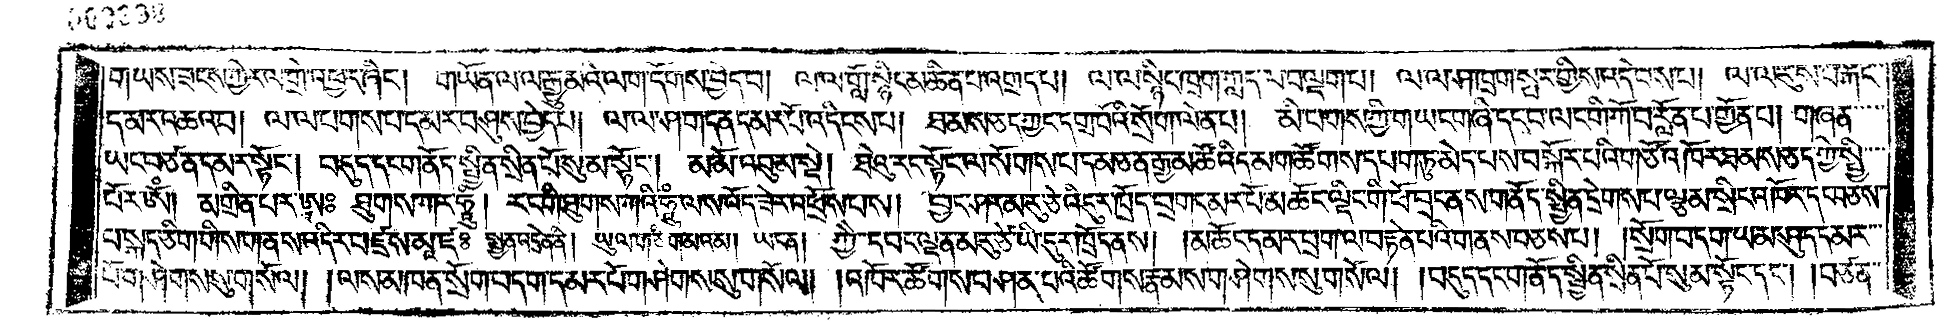གཡས་ཟངས་ཀྱི་རལ་གྲི་འཕྱར་ཞིང་། གཡོན་ལ་ལ་རྒྱུ་མའི་ལག་དོགས་བྱེད་པ། ལ་ལ་གློ་སྙིང་མཆིན་པ་འགྲད་པ། ལ་ལ་སྙིང་ཁྲག་ཀླད་པ་བལྡག་པ། ལ་ལ་ཤ་ཁྲག་སྤར་གྱིས་འདེབས་པ། ལ་ལ་རུས་པ་རྐང་
དམར་འཆའ་བ། ལ་ལ་པགས་པ་དམར་བཤུས་བྱེད་པ། ལ་ལ་ཤ་གདན་དམར་པོ་འདིངས་པ། ཐམས་ཅད་ཀྱང་དགྲ་བོའི་སྲོག་ལེན་པ། མི་པགས་ཀྱི་གཡང་གཞི་དང་བ་ལང་གི་ཀོ་བ་རློན་པ་གྱོན་པ། གཞན་
ཡང་བཙན་དམར་སྟོང་། བདུད་དང་གནོད་སྦྱིན་སྲིན་པོ་སུམ་སྟོང་། མ་མོ་འབུམ་སྡེ། ཐེའུ་རང་སྟོང་ལ་སོགས་པ་དམ་ཅན་རྒྱ་མཚོའི་དམག་ཚོགས་དཔག་ཏུ་མེད་པས་བསྐོར་བའི་གཙོ་འཁོར་ཐམས་ཅད་ཀྱི་སྤྱི་
པོར་ཨོཾ། མགྲིན་པར་ཨཱཿ ཐུགས་ཀར་ཧཱུཾ། རང་གི་ཐུགས་ཀའི་ཧཱུཾ་ལས་འོད་ཟེར་འཕྲོས་པས། བྱང་ཤར་མ་རུ་ཅེའི་དུར་ཁྲོད་བྲག་དམར་པོ་མཆོང་ལྡིང་གི་ཕོ་བྲང་ནས་གནོད་སྦྱིན་དྲེགས་པ་ལྕམ་སྲིང་འཁོར་དང་བཅས་
པ་སྐད་ཅིག་གིས་གནས་འདིར་བཛྲ་ས་མཱ་ཛཿ སྤྱན་འདྲེན་ནི། ཡུལ་གཅིག་མའམ། ཡང་ན།  ཀྱཻ་དབང་ལྡན་མ་རུ་ཙེ་ཡི་དུར་ཁྲོད་ནས། །མཆོང་དམར་བྲག་ལ་བརྟེན་པའི་གནས་བཅས་པ། །སྲོག་བདག་ཡམ་ཤུད་དམར་
པོ་གཤེགས་སུ་གསོལ། །ལས་མཁན་སྲོག་བདག་དམར་པོ་གཤེགས་སུ་གསོལ། །འཁོར་ཚོགས་བཤན་པའི་ཚོགས་རྣམས་གཤེགས་སུ་གསོལ། །བདུད་དང་གནོད་སྦྱིན་སྲིན་པོ་སུམ་སྟོང་དང་། །བཙན་